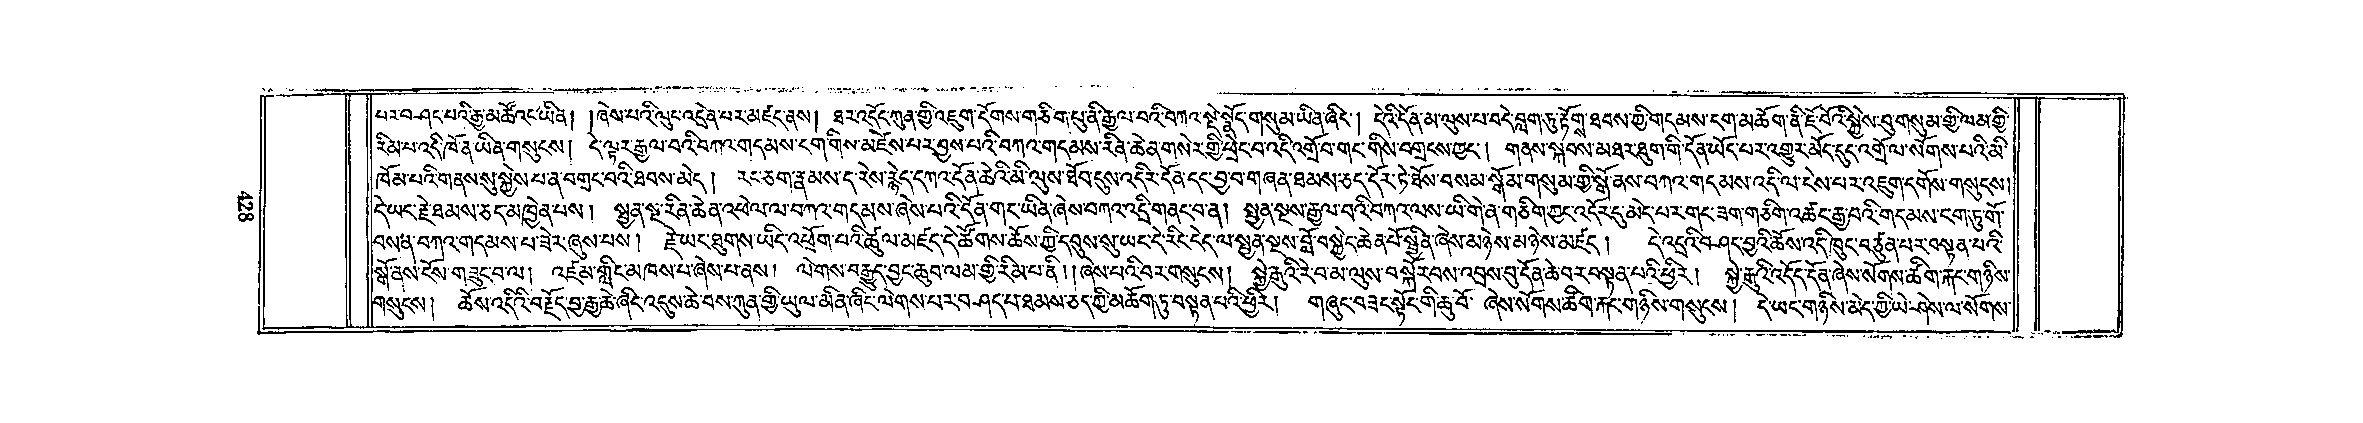པར་བཤད་པའི་རྒྱ་མཚོའང་ཡིན། །ཞེས་པའི་ལུང་འདྲེན་པར་མཛད་ནས། ཐར་འདོད་ཀུན་གྱི་འཇུག་དོགས་གཅིག་པུ་ནི་རྒྱལ་བའི་བཀའ་སྡེ་སྣོད་གསུམ་ཡིན་ཞིང་། དེའི་དོན་མ་ལུས་པ་བདེ་བླག་ཏུ་རྟོགས་ཐབས་ཀྱི་གདམས་ངག་མཆོག་ནི་ཇོ་བོའི་སྐྱེས་བུ་གསུམ་གྱི་ལམ་གྱི་
རིམ་པ་འདི་ཁོ་ན་ཡིན་གསུངས། དེ་ལྟར་རྒྱལ་བའི་བཀའ་གདམས་ངག་གིས་མཛེས་པར་བྱས་པའི་བཀའ་གདམས་རིན་ཆེན་གསེར་གྱི་ཕྲེང་བ་འདི་འགྲོ་བ་གང་གིས་བགྲངས་ཀྱང་། གནས་སྐབས་མཐར་ཐུག་གི་དོན་ཡོད་པར་འགྱུར་མོད་དུད་འགྲོ་ལ་སོགས་པའི་མི་
ཁོམ་པའི་གནས་སུ་སྐྱེས་པ་ན་བགྲང་བའི་ཐབས་མེད། རང་ཅག་རྣམས་ད་རེས་རྙེད་དཀའ་དོན་ཆེའི་མི་ལུས་ཐོབ་དུས་འདིར་དོན་དང་བྱ་བ་གཞན་ཐམས་ཅད་དོར་ཏེ་ཐོས་བསམ་སྒོམ་གསུམ་གྱི་སྒོ་ནས་བཀའ་གདམས་འདི་ལ་ངེས་པར་འཇུག་དགོས་གསུངས་
དེ་ཡང་རྗེ་ཐམས་ཅད་མཁྱེན་པས། སྤྱན་སྔ་རིན་ཆེན་འཕེལ་ལ་བཀའ་གདམས་ཞེས་པའི་དོན་གང་ཡིན་ཞེས་བཀའ་འདྲི་གནང་བ་ན། སྤྱན་སྔས་རྒྱལ་བའི་བཀའ་ལས་ཡི་གེ་ན་གཅིག་ཀྱང་འདོར་དུ་མེད་པར་གང་ཟག་གཅིག་འཚང་རྒྱ་བའི་གདམས་ངག་ཏུ་གོ་
བས་ན་བཀའ་གདམས་པ་ཟེར་ཞུས་པས། རྗེ་ཡང་ཐུགས་ཡིད་འཕྲོག་པའི་ཚུལ་མཛད་དེ་ཚོགས་ཆོས་ཀྱི་དབུས་སུ་ཡང་དེ་རིང་ངེད་ལ་སྤྱན་སྔས་བློ་བསྐྱེད་ཆེན་པོ་སྦྱིན་ཞེས་མཉེས་མཉེས་མཛད། དེ་འདྲའི་བཤད་བྱའི་ཆོས་འདི་ཁུང་བཙུན་པར་བསྟན་པའི་
སྒོ་ནས་ངོས་གཟུང་བ་ལ། འཛམ་གླིང་མཁས་པ་ཞེས་པ་ནས། ལེགས་བརྒྱུད་བྱང་ཆུབ་ལམ་གྱི་རིམ་པ་ནི། །ཞེས་པའི་བར་གསུངས། སྐྱེ་རྒུའི་རེ་བ་མ་ལུས་བསྐོར་བས་འབྲས་བུ་དོན་ཆེ་བར་བསྟན་པའི་ཕྱིར། སྐྱེ་རྒུའི་འདོད་དོན་ཞེས་སོགས་ཚིག་རྐང་གཉིས་
གསུངས། ཆོས་འདིའི་བརྗོད་བྱ་རྒྱ་ཆེ་ཞིང་འདུས་ཆེ་བས་ཀུན་གྱི་ཡུལ་མིན་ཞིང་ལེགས་པར་བཤད་པ་ཐམས་ཅད་ཀྱི་མཆོག་ཏུ་བསྟན་པའི་ཕྱིར། གཞུང་བཟང་སྟོང་གི་ཆུ་བོ་ཞེས་སོགས་ཚིག་རྐང་གཉིས་གསུངས། དེ་ཡང་གཉིས་མེད་ཀྱི་ཡེ་ཤེས་ལ་སོགས་